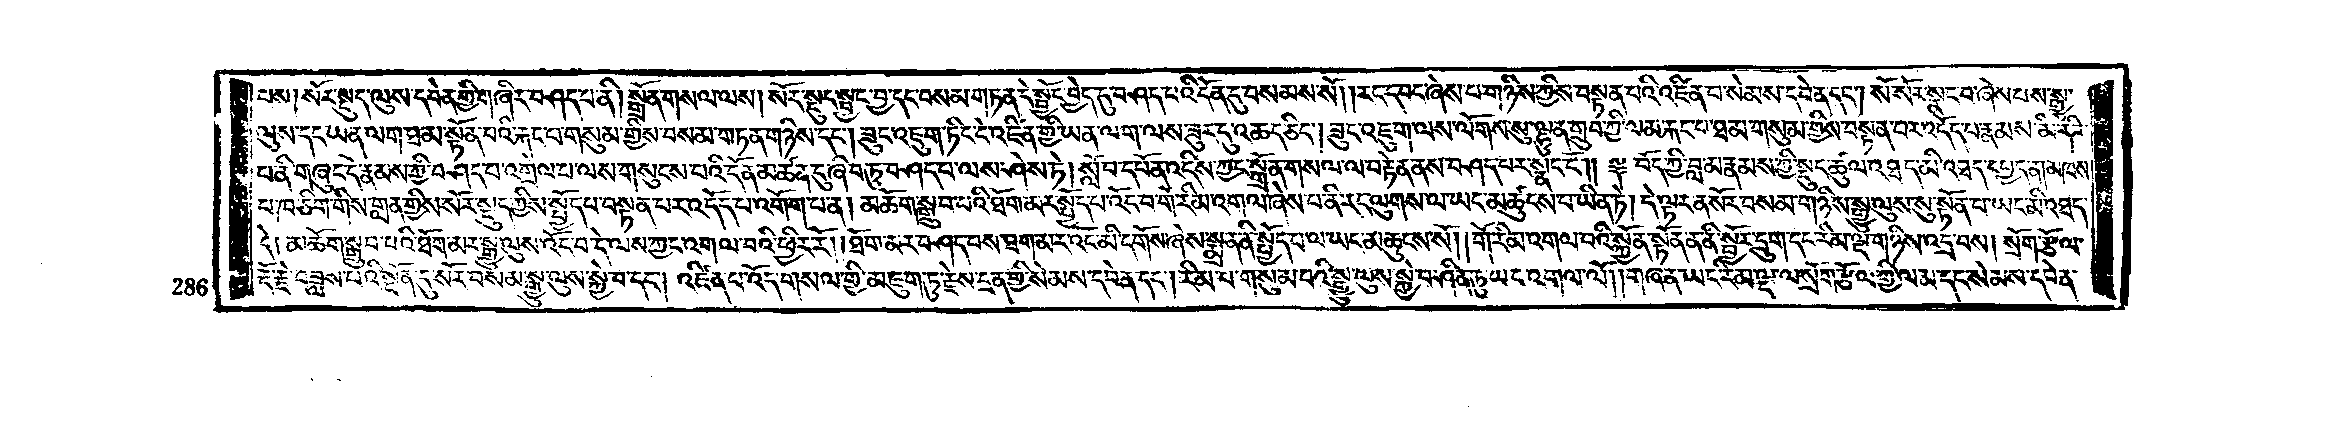པས། སོར་སྡུད་ལུས་དབེན་གྱི་གཞིར་བཤད་པ་ནི། སྒྲོན་གསལ་ལས། སོར་སྡུད་སྦྱང་བྱ་དང་བསམ་གཏན་དེ་སྦྱོང་བྱེད་དུ་བཤད་པའི་དོན་དུ་བསམས་སོ། །རང་དབང་ཞེས་པ་གཉིས་ཀྱིས་བསྟན་པའི་འཛིན་པ་སེམས་དབེན་དང་། སོ་སོར་སྣང་བ་ཞེས་པས་སྒྱུ་
ལུས་དང་ཡན་ལག་ཐ་མ་སྟོན་པའི་རྐང་པ་གསུམ་གྱིས་བསམ་གཏན་གཉིས་དང་། ཟུང་འཇུག་ཏིང་ངེ་འཛིན་གྱི་ཡན་ལག་ལས་ཟུར་དུ་འཆད་ཅིང་། ཟུང་འཇུག་ལས་ལོགས་སུ་ལྷུན་གྲུབ་ཀྱི་ལམ་རྐང་པ་ཐ་མ་གསུམ་གྱིས་བསྟན་པར་འདོད་པ་རྣམས་མི་རིགས་
པ་ནི་གཞུང་དེ་རྣམས་ཀྱི་བཤད་པ་འགྲེལ་པ་ལས་གསུངས་པའི་དོན་མཚན་དུ་ཞིབ་ཏུ་བཤད་པ་ལས་ཤེས་ཏེ། སློབ་དཔོན་འདིས་ཀྱང་སྒྲོན་གསལ་ལ་བརྟེན་ནས་བཤད་པར་སྣང་ངོ།། ༈ བོད་ཀྱི་བླ་མ་རྣམས་ཀྱི་སྡུད་ཚུལ་འཐད་མི་འཐད་དཔྱད་ན། མཁས་
པ་ཁ་ཅིག་གིས་གླན་གྱིས་སོར་སྡུད་ཀྱིས་སྤྱོད་པ་བསྟན་པར་འདོད་པ་འགོག་པ་ན། མཆོག་སྒྲུབ་པའི་ཐོག་མ་སྤྱོད་པ་འོང་བ་གོ་རིམ་འགལ་ཞེས་པ་ནི་རང་ལུགས་ལ་ཡང་མཚུངས་པ་ཡིན་ཏེ། དེ་ལྟར་ན་སོར་བསམ་གཉིས་སྒྱུ་ལུས་སུ་སྟོན་པ་ཡང་མི་འཐད་
དེ། མཆོག་སྒྲུབ་པའི་ཐོག་མར་སྒྱུ་ལུས་འོང་བ་དེ་ལས་ཀྱང་འགལ་བའི་ཕྱིར་རོ། །ཐོག་མར་བཤད་པས་ཐག་མར་འོང་མི་དགོས་ཞེས་སྨྲ་ན་ནི་སྤྱོད་པ་ལ་ཡང་མཚུངས་སོ། །གོ་རིམ་འགལ་བའི་སྐྱོན་སྟོན་ན་ནི་སྦྱོར་དྲུག་དང་རིམ་ལྔ་གཉིས་འདྲ་བས། སྲོག་རྩོལ་
རྡོ་རྗེ་བཟླས་པའི་སྔོན་དུ་སོར་བསམ་སྒྱུ་ལུས་སྐྱེ་བ་དང་། འཛིན་པ་འོད་གསལ་གྱི་མཇུག་ཏུ་རྗེས་དྲན་གྱི་སེམས་དབེན་དང་། རིམ་པ་གསུམ་པའི་སྒྱུ་ལུས་སྐྱེ་བ་ཤིན་ཏུ་ཡང་འགལ་ལོ། །གཞན་ཡང་རིམ་ལྔ་ལ་སྲོག་རྩོལ་གྱི་ལམ་དང་སེམས་དབེན་